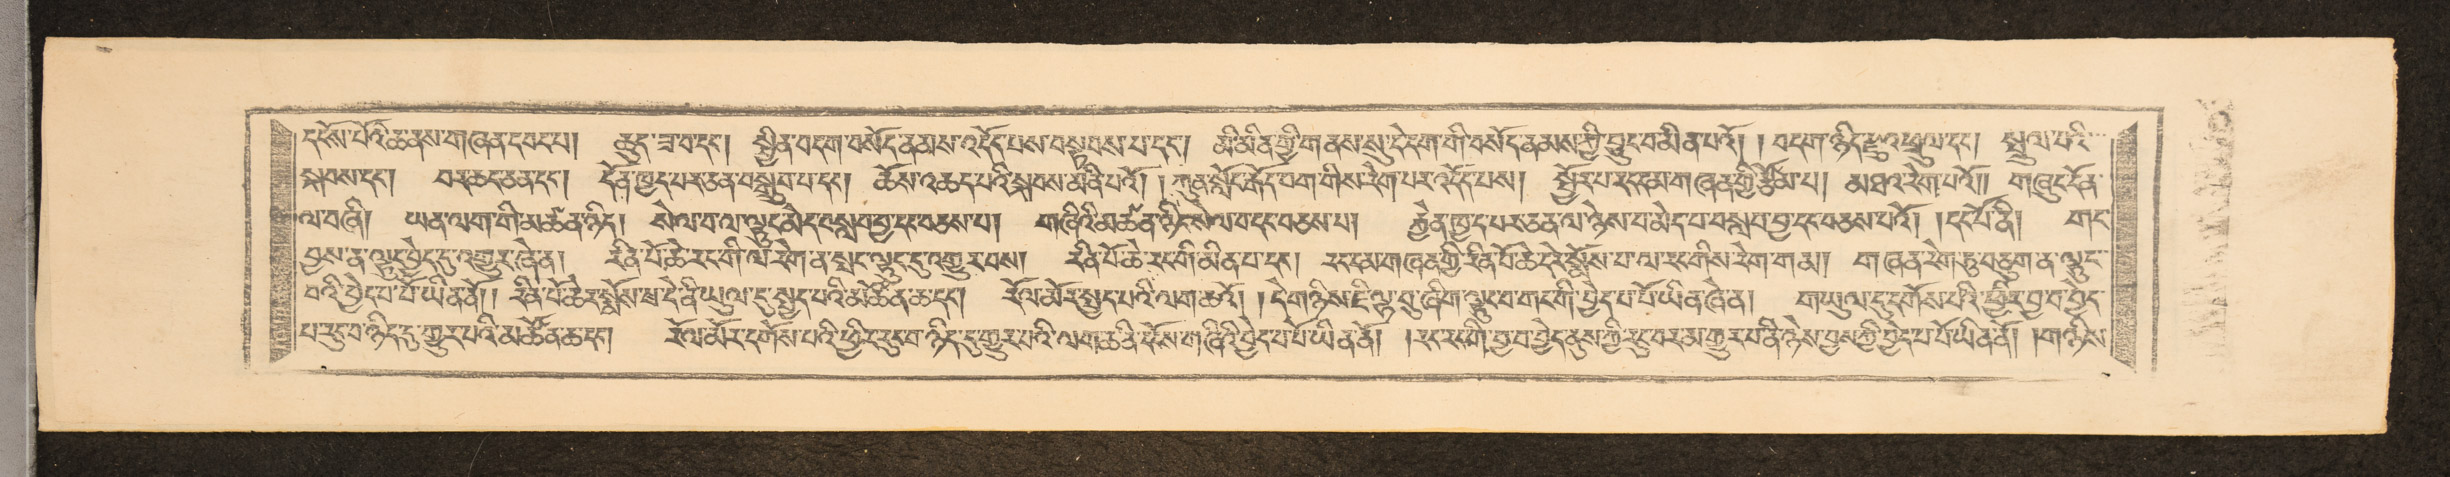དངོས་པོའི་ཆ་ནས་གཞན་དབང་པ། ཆུད་ཟ་བ་དང་། སྦྱིན་བདག་བསོད་ནམས་འདོད་པས་བསྟབས་པ་དང་། མི་མིན་གྱི་གནས་སུ་དེ་དག་གི་བསོད་ནམས་ཀྱི་བྱུང་བ་མིན་པའོ། །བདག་ཉིད་རྫུ་འཕྲུལ་དང་། སྤྲུལ་བའི་སྐབས་
དང༑ བར་ཆད་ཅན་དང་། དོན་ཁྱད་པར་ཅན་བསྒྲུབ་པ་དང་། ཆོས་འཆད་བའི་སྐབས་མིན་བའོ། །ཀུན་སློང་རྒོད་བག་གིས་རེག་པར་འདོད་པ། སྦྱོར་བ་རང་ངམ་གཞན་གྱིས་རྩོམ་པ། མཐའ་རེག་པའོ། །གཞུང་དོན་
ལ་བཞི། ཡན་ལག་གི་མཚན་ཉིད། སེལ་བ་ལ་ལྟུང་མེད་བསླབ་བྱ་དང་བཅས་པ། གཞིའི་མཚན་ཉིད་སེལ་པ་དང་བཅས་པ། རྐྱེན་ཁྱད་པར་ཅན་ལ་ཉེས་པ་མེད་པ་བསླབ་བྱ་དང་བཅས་བའོ། དང་པོ་ནི། གང་
བྱས་ན་ལོངས་པའི་ལྟུང་བྱེད་དུ་འགྱུར་ཞེ་ན། རིན་པོ་ཆེ་རང་གི་ལ་རེག་ན་སྤང་ལྟུང་དུ་འགྱུར་བས། རིན་པོ་ཆེ་རང་གི་མིན་པ་དང་། རང་ངམ་གཞན་གྱི་རིན་པོ་ཆེ་དེར་སྨོས་པ་ལ་རང་གིས་རེག་གམ། གཞན་རེག་ཏུ་བཅུག་ན་ལྟུང་བའི་
བྱེད་པ་པོ་ཡིན་ནོ། །རིན་པོ་ཆེར་སྨོས་པ་དེ་ནི་གཡུལ་དུ་སྤྱང་པའི་མཚོན་ཆ་དང་། རོལ་མོར་སྤྱད་པའི་ལག་ཆའོ། །དེ་གཉིས་ཇི་ལྟ་བུ་ཞིག་ལྟུང་བ་གང་གི་བྱེད་པ་པོ་ཡིན་ཞེན། གཡུལ་དུ་དགོས་པའི་ཕྱིར་བྱ་བ་བྱེད་པ་རུང་
བ་ཉིད་དུ་གྱུར་པའི་མཚོན་ཆ་དང་། རོལ་མོར་དགོས་པའི་ཕྱིར་རུང་བ་ཉིད་དུ་གྱུར་པའི་ལག་ཆ་ནི་དངོས་གཞིའི་བྱེད་པ་པོ་ཡིན་ནོ། །རང་རང་གི་བྱ་བ་བྱེད་ནུས་ཀྱི་རུང་བར་མ་གྱུར་པ་ནི་ཉེས་བྱས་ཀྱི་བྱེད་པ་པོ་ཡིན་ནོ། །གཉིས་